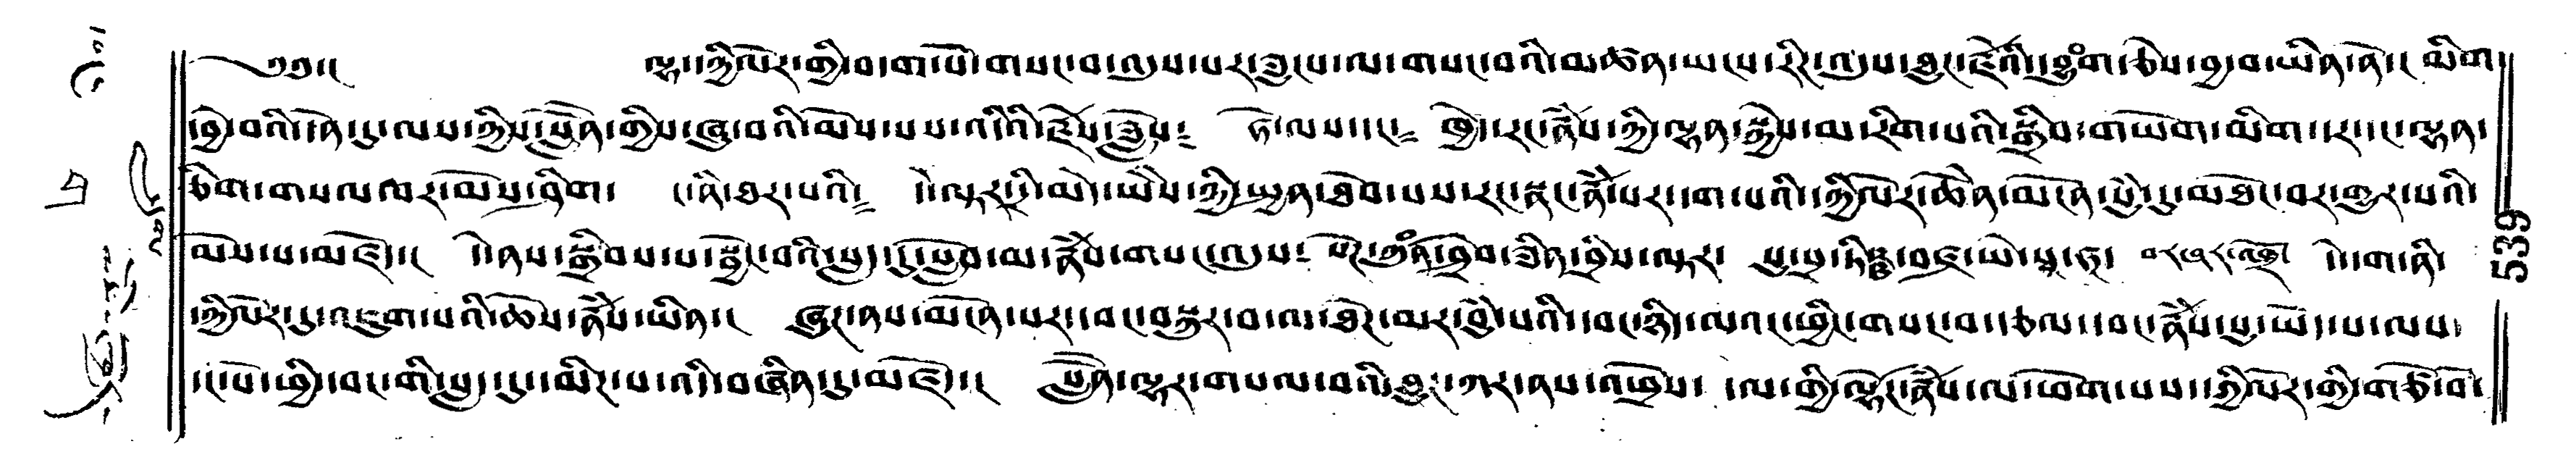ལྷ་དཀྱིལ་འཁོར་གྱི་བདག་པོ་གསང་བ་འདུས་པར་ཟུངས་ལ་གསང་བའི་མཚན་ཡང་རིགས་འདུས་ཐུགས་རྗེའི་དབང་ཕྱུག་ཅེས་བྱ་བ་ཡིན་ནོ། །མིག་
དབྱེ་བའི་དོན་དུ་ལས་ཀྱི་སློབ་དཔོན་གྱིས་ཞུ་བའི་མོས་པས་འདིའི་རྗེས་ཟློས། ཧོ་ལས་དང༴ ཁྱེད་རང་རྣམས་ཀྱི་ལྷན་སྐྱེས་མ་རིག་པའི་སྒྲིབ་གཡོག་མིག་དར་དང་ལྷན་
ཅིག་གསལ་བར་མོས་ཤིག ང་ནི་ཐར་པའི༴ དེ་ལྟར་དྲི་མེད་ཡེ་ཤེས་ཀྱི་སྤྱན་ཐོབ་པས་རང་སྣང་རྣམ་པར་དག་པའི་དཀྱིལ་འཁོར་ཆེན་པོ་མངོན་སུམ་དུ་མཐོང་བར་གྱུར་པའི་
མོས་པ་མཛོད། དེ་ནས་སྒྲིབ་པ་སྦྱོང་བའི་སླད་དུ་སློབ་མ་རྣམས་གསང་འདུས་སོགས། ཀུན་བཟང་ཤེས་རབ་ཀྱི་ཟིན་བྲིས་ལྟར། སུ་པྲ་ཏིཥྠ་བཛྲ་ཡེ་སྭཱ་ཧ། བར་ནར་འགྲོ། དེ་དག་ནི་
དཀྱིལ་འཁོར་དུ་འཇུག་པའི་ཆོས་རྣམས་ཡིན། ཞུགས་ནས་མངོན་པར་དབང་བསྐུར་བ་ལ་ཐོག་མར་བུམ་པའི་དབང་ཉིད་ལའང་ཕྱི་ནང་གསང་བ་རྩལ་དབང་རྣམས་སུ་ཡོད་པ་ལས་
དང་པོ་ཕྱི་དབང་གི་སླད་དུ་དམིགས་པ་འདི་བཞིན་དུ་མཛོད།སློབ་དཔོན་ལྷར་གསལ་བའི་ཐུགས་ཀ་ནས་འཕྲོས། དལ་གྱིས་ལྷ་ཚོགས་རྣམས་ལ་ཕོག་པས་དཀྱིལ་འཁོར་གྱི་གཙོ་བོ་